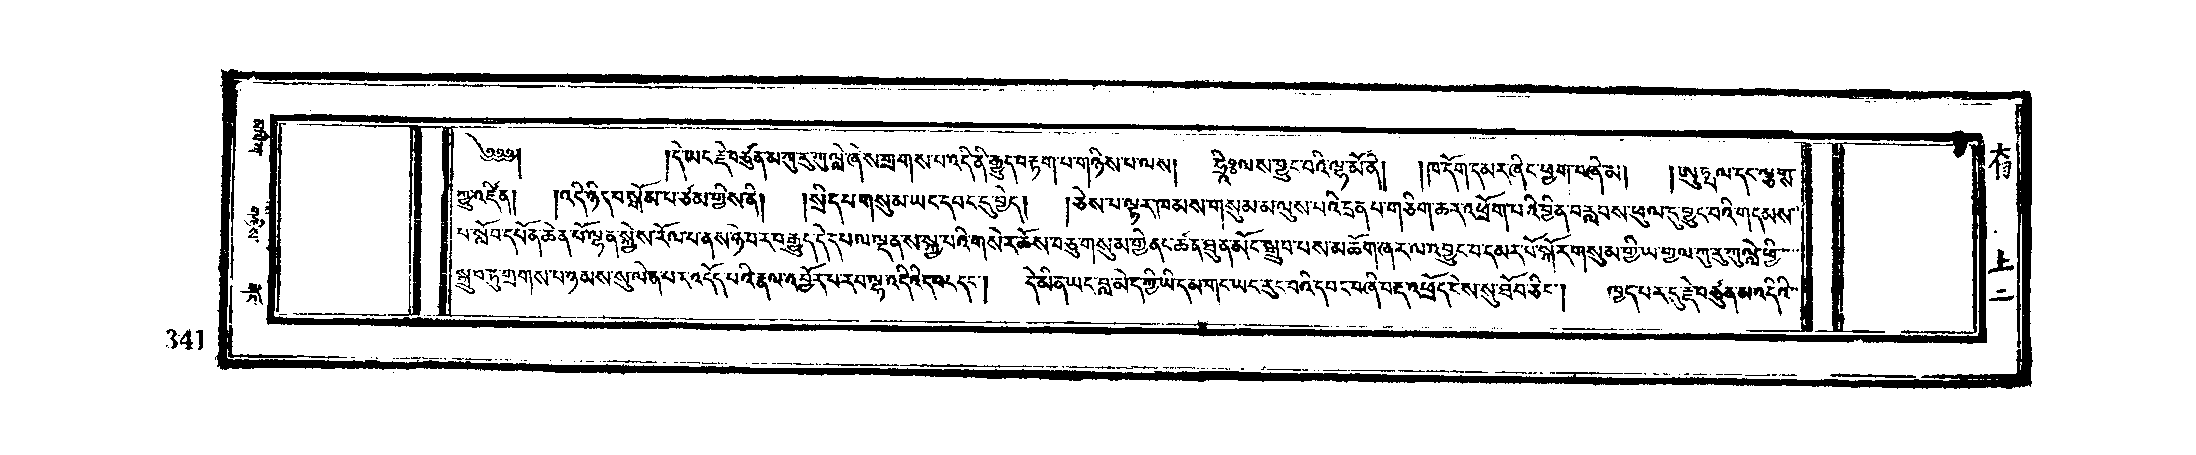༄༅། །དེ་ཡང་རྗེ་བཙུན་མ་ཀུ་རུ་ཀུ་ལླེ་ཞེས་གྲགས་པ་འདི་ནི་རྒྱུད་བརྟག་པ་གཉིས་པ་ལས། ཧྲཱིཿ ལས་བྱུང་བའི་ལྷ་མོ་ནི། །ཁ་དོག་དམར་ཞིང་ཕྱག་བཞི་མ། །ཨུཏྤལ་དང་ལྕགས་
ཀྱུ་འཛིན། །འདི་ཉིད་བསྒོམ་པ་ཙམ་གྱིས་ནི། །སྲིད་པ་གསུམ་ཡང་དབང་དུ་བྱེད། །ཅེས་པ་ལྟར་ཁམས་གསུམ་མ་ལུས་པའི་དྲན་པ་གཅིག་ཆར་འཕྲོག་པའི་བྱིན་བརླབས་ཕུལ་དུ་བྱུང་བའི་གདམས་
པ་སློབ་དཔོན་ཆེན་པོ་ལྷན་སྐྱེས་རོལ་པ་ནས་ཉེ་བར་བརྒྱུད་དེ་དཔལ་ལྡན་ས་སྐྱ་པའི་གསེར་ཆོས་བཅུ་གསུམ་གྱི་ནང་ཚན་ཐུན་མོང་སྒྲུབ་པས་མཆོག་ཞར་ལ་འབྱུང་བ་དམར་པོ་སྐོར་གསུམ་གྱི་ཡ་གྱལ་ཀུ་རུ་ཀུ་ལླེ་ཕྱི་
སྒྲུབ་ཏུ་གྲགས་པ་ཉམས་སུ་ལེན་པར་འདོད་པའི་རྣལ་འབྱོར་པ་རབ་ལྷ་འདིའི་དབང་དང་། དེ་མིན་ཡང་བླ་མེད་ཀྱི་ཡི་དམ་གང་ཡང་རུང་བའི་དབང་བཞི་བརྡ་འཕྲོད་ངེས་སུ་ཐོབ་ཅིང་། ཁྱད་པར་དུ་རྗེ་བཙུན་མ་འདིའི་